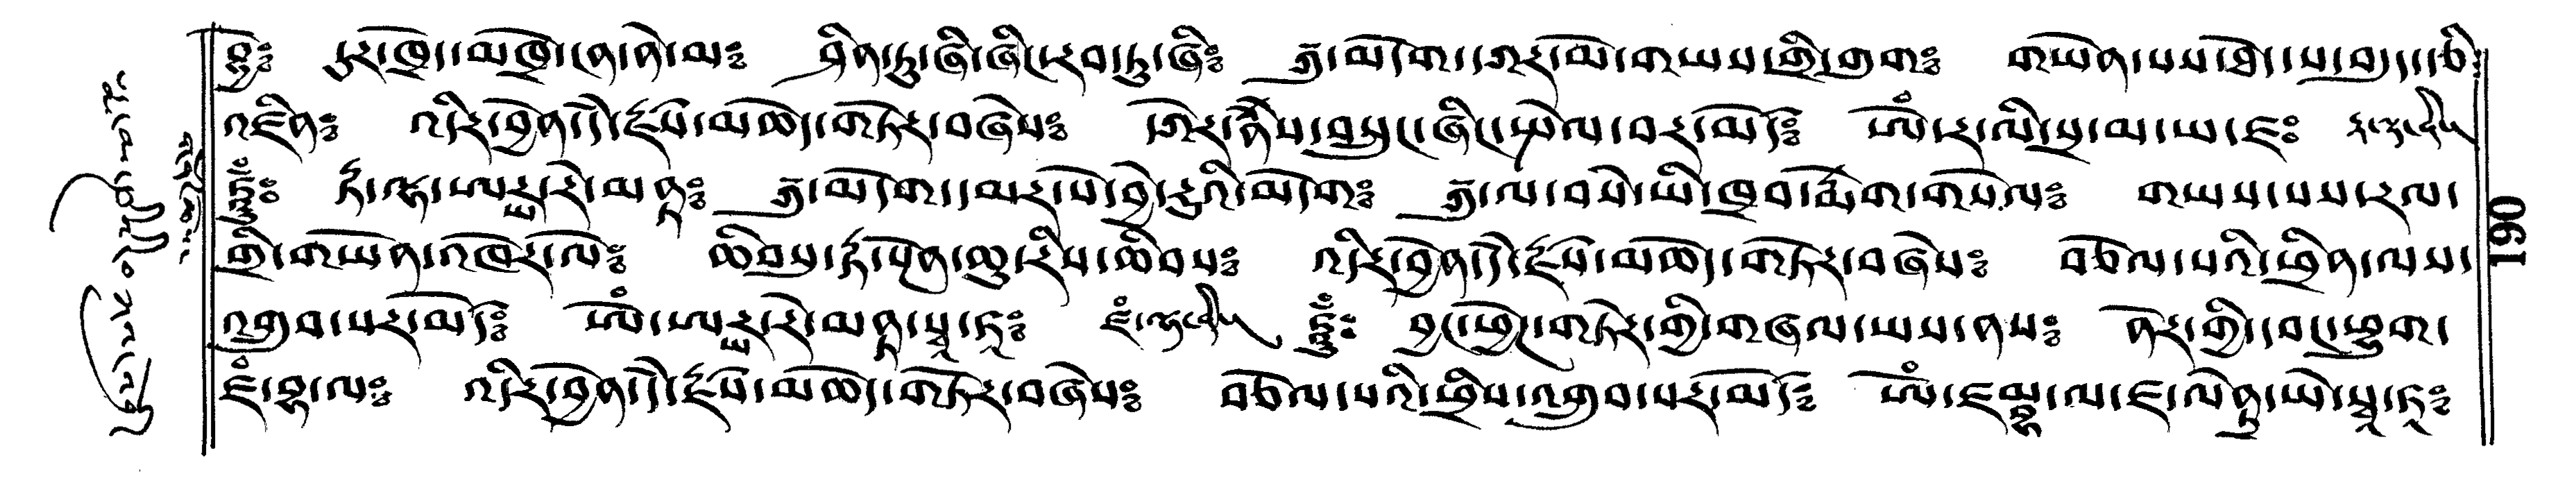བྷྱོ༔ དུར་ཁྲོད་མཁའ་འགྲོ་ངན་ནེ་མ༔ ཤིན་ཏུ་ཞི་ཞིང་རབ་ཏུ་ཞི༔ སྐུ་མདོག་དཀར་མོ་གཡས་གྲི་གུག༔ གཡོན་པས་ཐོད་པ་བདུད་རྩི་
འཛིན༔ འདིར་བྱོན་དམ་རྫས་མཆོད་གཏོར་བཞེས༔ དཀོར་རྣམས་བསྲུང་ཞིང་སྤེལ་བར་མཛོད༔ ཨོཾ་ར་ལི་པྲ་མ་ཡ་ཛཿ རྟ་ལྷ་ནི། 
ཧཱུྃ༔ རྟ་ལྷ་ཨརྻ་རེ་མནྟ༔ སྐུ་མདོག་དམར་པོ་བྱེ་རུའི་མདོག༔ སྐུ་ལ་བསེ་ཡི་ཁྲབ་རྨོག་གསོལ༔ གཡས་པས་རལ་
གྲི་གཡོན་འཁོར་ལོ༔ ཆིབས་སུ་རྟ་སྔོན་ཆུ་རིས་ཆིབས༔ འདིར་བྱོན་དམ་རྫས་མཆོད་གཏོར་བཞེས༔ བཅོལ་པའི་ཕྲིན་ལས་
འགྲུབ་པར་མཛོད༔ ཨོཾ་ཨརྻ་རེ་མནྟ་སྭ་ཧཱ༔ ཛམ་ལ་ནི། ཧཱུྃ༔ བྱང་ཕྱོགས་གཏེར་གྱི་གཞལ་ཡས་ནས༔ ནོར་གྱི་དབང་ཕྱུག་
ཛམ་བྷ་ལ༔ འདིར་བྱོན་དམ་རྫས་མཆོད་གཏོར་བཞེས༔ བཅོལ་པའི་ཕྲིན་ལས་འགྲུབ་པར་མཛོད༔ ཨོཾ་ཛམྦྷ་ལ་ཛ་ལེནྟྲ་ཡེ་སྭ་ཧཱ༔